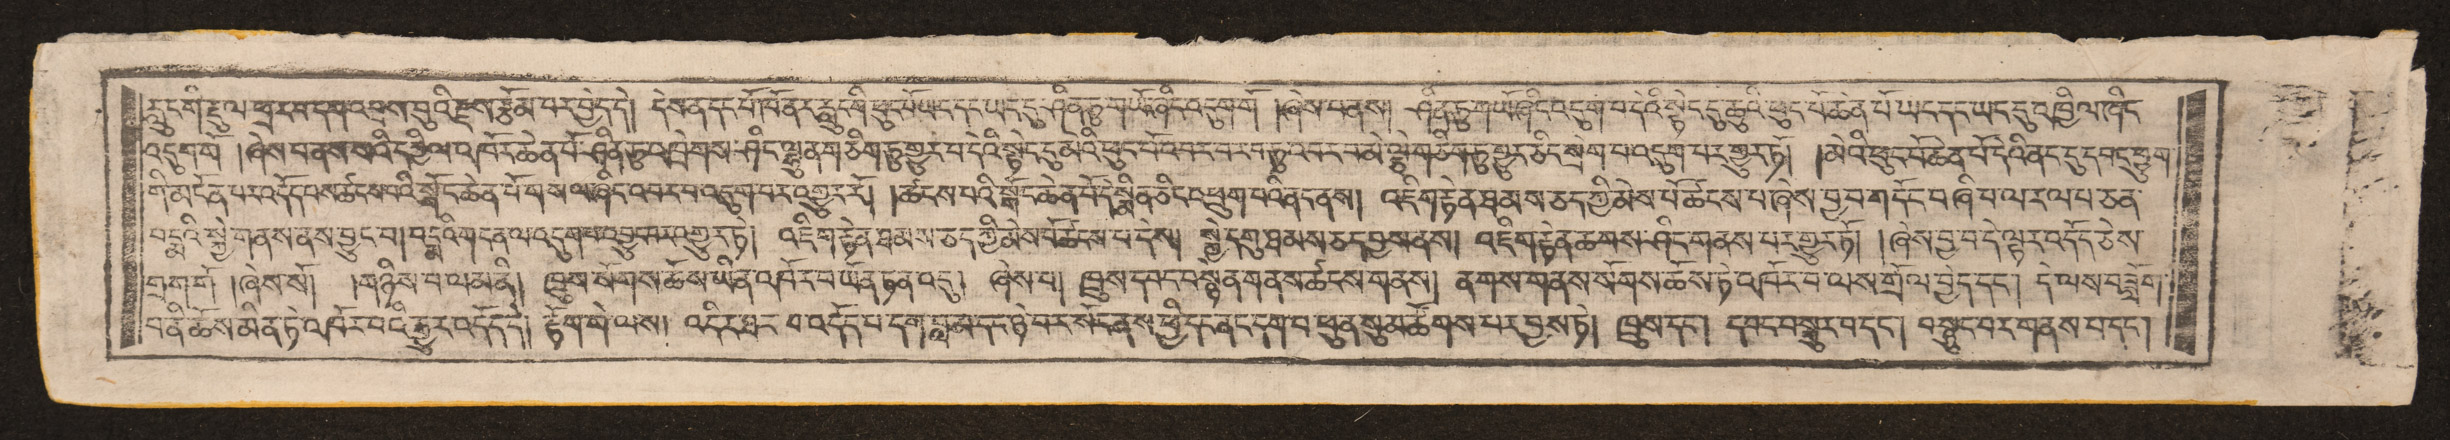རླུང་གི་རྡུལ་ཕྲ་རབ་དག་འབྲས་བུའི་རྫས་རྩོམ་པར་བྱེད་དེ། དེས་ན་དང་པོ་ཁོ་ནར་རླུང་གི་ཕུང་པོ་ཡང་དང་ཡང་དུ་ཤིན་ཏུ་གཡོ་ཞིང་འདུག་གོ །ཞེས་པ་ནས། ཤིན་ཏུ་གཡོ་ཞིང་འདུག་པ་དེའི་སྟེང་དུ་ཆུའི་ཕུང་པོ་ཆེན་པོ་ཡང་དང་ཡང་དུ་འཁྱིལ་ཞིང་
འདུག་གོ །ཞེས་པ་ནས་སའི་དཀྱིལ་འཁོར་ཆེན་པོ་ཤིན་ཏུ་འཁྲེགས་ཤིང་ལྷུན་གཅིག་ཏུ་གྱུར་པ་དེའི་སྟེང་དུ་མེའི་ཕུང་པོ་འབར་བ་རབ་ཏུ་འབར་བ་མེ་ལྕེ་གཅིག་ཏུ་གྱུར་ཅིང་སྲེག་པ་འདུག་པར་གྱུར་ཏོ། །མེའི་ཕུང་པོ་ཆེན་པོ་དེའི་ནང་དུ་དབང་ཕྱུག་
གི་མངོན་པར་འདོད་པས་ཚངས་པའི་སྒོང་ཆེན་པོ་གསལ་ཞིང་འབར་བ་འདུག་པར་འགྱུར་རོ། །ཚངས་པའི་སྒོང་ཆེན་པོ་དེ་སྨིན་ཅིང་འཕྲུག་པའི་ནང་ནས། འཇིག་རྟེན་ཐམས་ཅད་ཀྱི་མེས་པོ་ཚངས་པ་ཞེས་བྱ་བ་གདོང་བཞི་པ་ལ་རལ་པ་ཅན་
པདམའི་སྐྱེ་གནས་ནས་བྱུང་བ། པདམའི་གདན་ལ་འདུག་པ་འབྱུང་བར་འགྱུར་ཏེ། འཇིག་རྟེན་ཐམས་ཅད་ཀྱི་མེས་པོ་ཚངས་པ་དེས། སྐྱེ་དགུ་ཐམས་ཅད་བྱས་ནས། འཇིག་རྟེན་ཆགས་ཤིང་གནས་པར་གྱུར་ཏོ། །ཞེས་བྱ་བ་དེ་ལྟར་འདོད་ཅེས་
གྲག་གོ །ཞེས་སོ། །གཉིས་པ་ལམ་ནི། ཁྲུས་སོགས་ཆོས་ཡིན་འཁོར་བ་ཡོན་ཏན་འདུ། ཞེས་པ། ཁྲུས་དབང་བསྙེན་གནས་ཚངས་གནས། ནགས་གནས་སོགས་ཆོས་ཏེ་འཁོར་བ་ལས་གྲོལ་བྱེད་དང་། དེ་ལས་བཟློག་
པ་ནི་ཆོས་མིན་ཏེ་འཁོར་བའི་རྒྱུར་འདོད་དེ། རྟོག་གེ་ལས། འདིར་ཐར་པ་འདོད་པ་དག་བླ་མ་དང་ཉེ་བར་སོང་ནས་ཕྱི་དང་ནང་དག་པ་ཕུན་སུམ་ཚོགས་པར་བྱས་ཏེ། ཁྲུས་དང་། དབང་བསྐུར་བ་དང་། བསྙུང་བར་གནས་པ་དང་།